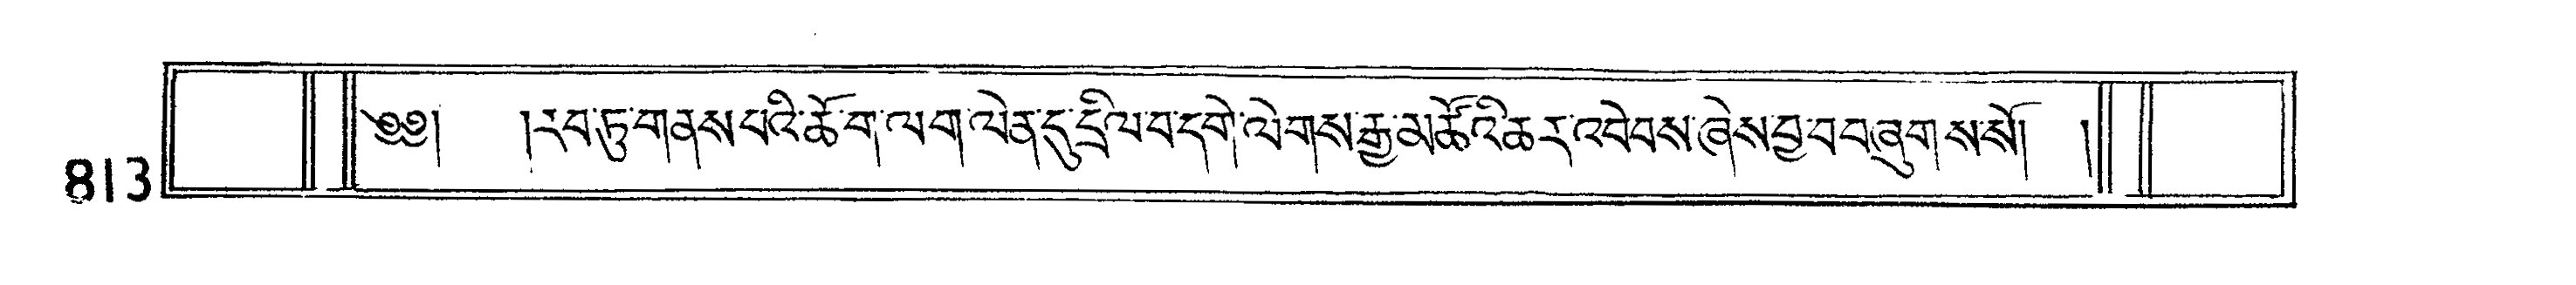༄༅། །རབ་ཏུ་གནས་པའི་ཆོ་ག་ལག་ལེན་དུ་དྲིལ་བ་དགེ་ལེགས་རྒྱ་མཚོའི་ཆར་འབེབས་ཞེས་བྱ་བ་བཞུགས་སོ། །